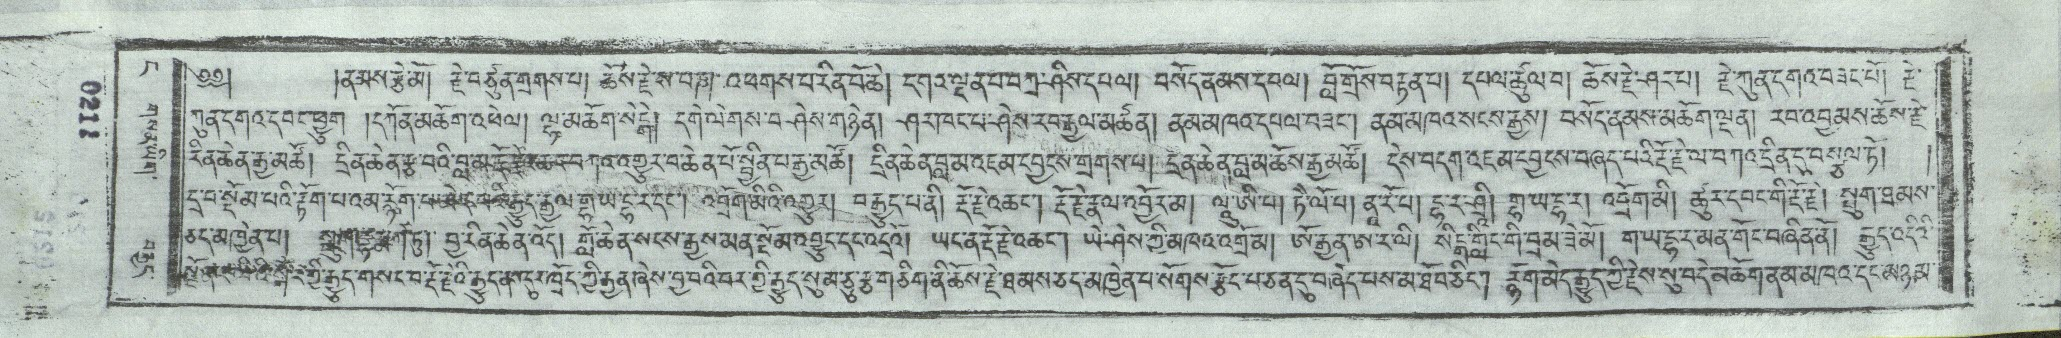༄༅། །ནམས་རྩེ་མོ། རྗེ་བཙུན་གྲགས་པ། ཆོས་རྗེ་ས་པཎ། འཕགས་པ་རིན་པོ་ཆེ། དགའ་ལྡན་པ་བཀྲ་ཤིས་དཔལ། བསོད་ནམས་དཔལ། བློ་གྲོས་བརྟན་པ། དཔལ་ཚུལ་བ། ཆོས་རྗེ་ཤར་བ། རྗེ་ཀུན་དགའ་བཟང་པོ། རྗེ་
ཀུན་དགའ་དབང་ཕྱུག། །དཀོན་མཆོག་འཕེལ། ལྷ་མཆོག་སེངྒེ། དགེ་ལེགས་བཤེས་གཉེན། ཤར་ཁང་ལ་ཤེས་རབ་རྒྱལ་མཚན། ནམ་མཁའ་དཔལ་བཟང་། ནམ་མཁའ་སངས་རྒྱས། བསོད་ནམས་མཆོག་ལྡན། རབ་འབྱམས་ཆོས་རྗེ་
རིན་ཆེན་རྒྱ་མཚོ། དྲིན་ཆེན་རྩ་བའི་བླ་མ་རྡོ་རྗེ་འཆང་བཀའ་འགྱུར་བ་ཆེན་པོ་སྦྱིན་པ་རྒྱ་མཚོ། དྲིན་ཆེན་གླང་འཇམ་དབྱངས་གྲགས་པ། རིན་ཆེན་བླ་མ་ཆོས་རྒྱ་མཚོ། དེས་བདག་འཇམ་དབྱངས་བཞད་པའི་རྡོ་རྗེ་ལ་བཀའ་དྲིན་དུ་བསྩལ་ཏོ། །
དྲ་བ་སྡོམ་པའི་རྟོག་པའམ་རྙོག་པ་མེད་པའི་རྒྱུད་རྒྱལ་བྷ་ཡ་དྷ་ར་དང་། འབྲོག་མིའི་འགྱུར། བརྒྱུད་པ་ནི། རྡོ་རྗེ་འཆང་། རྡོ་རྗེ་རྣལ་འབྱོར་མ། ལཱུ་ཨི་པ། ཏཻ་ལོ་པ། ནཱ་རོ་པ། དྷ་ར་ཤྲཱི། གྷ་ཡ་དྷ་ར། འབྲོག་མི། ཚུར་དབང་གི་རྡོ་རྗེ། སྤུག་ཐམས་
ཅད་མཁྱེན་པ། སྤུག་དྷརྨ་ཀེ་ཏུ། བྱ་རིན་ཆེན་འོད། གློ་ཆེན་སངས་རྒྱས་མན་སྡོམ་འབྱུང་དང་འདྲའོ། ཡང་ན་རྡོ་རྗེ་འཆང་། ཡེ་ཤེས་ཀྱི་མཁའ་འགྲོ་མ། ཨོ་རྒྱན་ཨ་ར་ལི། སིངྒ་གླིང་གི་བྲམ་ཟེ་མོ། ག་ཡ་དྷ་ར་མན་གོང་བཞིན་ནོ། རྒྱུད་འདིའི་
སྔོན་ར་ལིའི་སྐོར་གྱི་རྒྱུད་གསང་བ་རྡོ་རྗེའི་རྒྱུད་ནས་དུར་ཁྲོད་ཀྱི་རྒྱན་ཞེས་བྱ་བའི་བར་གྱི་རྒྱུད་སུམ་ཅུ་རྩ་གཅིག་ནི་ཆོས་རྗེ་ཐམས་ཅད་མཁྱེན་པ་སོགས་རྩོད་པ་ཅན་དུ་བཞེད་པས་མ་ཐོབ་ཅིང་། རྙོག་མེད་རྒྱུད་ཀྱི་རྗེས་སུ་བདེ་མཆོག་ནམ་མཁའ་དང་མཉམ་